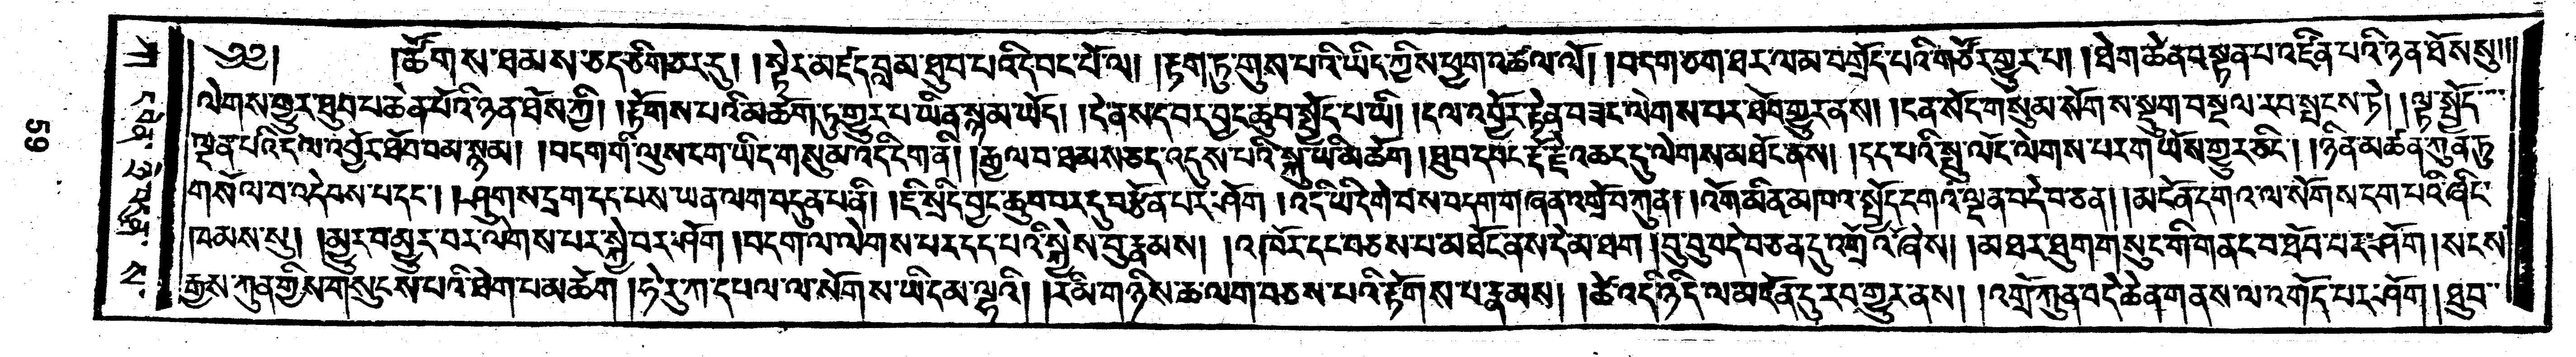༄༅། །ཚོགས་ཐམས་ཅད་ཅིག་ཅར་དུ། །སྟེར་མཛད་བླ་མ་ཐུབ་པའི་དབང་པོ་ལ། །རྟག་ཏུ་གུས་པའི་ཡིད་ཀྱིས་ཕྱག་འཚལ་ལོ། །བདག་ཅག་ཐར་ལམ་བགྲོད་པའི་གཙོར་གྱུར་པ། །ཐེག་ཆེན་བསྟན་པ་འཛིན་པའི་ཉན་ཐོས་སུ།།
ལེགས་གྱུར་ཐུབ་པ་ཆེན་པོའི་ཉན་ཐོས་ཀྱི། །རྟོགས་པའི་མཆོག་ཏུ་གྱུར་པ་ཡིན་སྙམ་ཡོད། །དེ་ནས་ད་བར་བྱང་ཆུབ་སྤྱོད་པ་ཡི། །དལ་འབྱོར་རྟེན་བཟང་ལེགས་པར་ཐོབ་གྱུར་ནས། །ངན་སོང་གསུམ་སོགས་སྡུག་བསྔལ་རབ་སྤངས་ཏེ། །ལྟ་སྤྱོད་
ལྡན་པའི་དལ་འབྱོར་ཐོབ་བམ་སྙམ། །བདག་གི་ལུས་ངག་ཡིད་གསུམ་འདི་དག་ནི། །རྒྱལ་བ་ཐམས་ཅད་འདུས་པའི་སྐུ་ཡི་མཆོག །ཐུབ་དབང་རྡོ་རྗེ་འཆང་དུ་ལེགས་མཐོང་ནས། །དད་པའི་སྤུ་ལོང་ལེགས་པར་གཡོས་གྱུར་ཅིང་། །ཉིན་མཚན་ཀུན་ཏུ་
གསོལ་བ་འདེབས་པ་དང་། །ཤུགས་དྲག་དད་པས་ཡན་ལག་བདུན་པ་ནི། །ཇི་སྲིད་བྱང་ཆུབ་བར་དུ་བརྩོན་པར་ཤོག །འདི་ཡི་དགེ་བས་བདག་གཞན་འགྲོ་བ་ཀུན། །འོག་མིན་མཁའ་སྤྱོད་དགའ་ལྡན་བདེ་བ་ཅན། །མངོན་དགའ་ལ་སོགས་དག་པའི་ཞིང་
ཁམས་སུ། །མྱུར་བ་མྱུར་བར་ལེགས་པར་སྐྱེ་བར་ཤོག །བདག་ལ་ལེགས་པར་དད་པའི་སྐྱེས་བུ་རྣམས། །འཁོར་དང་བཅས་པ་མཐོང་ནས་དེ་མ་ཐག །བུ་བུ་བདེ་བ་ཅན་དུ་འགྲོའོ་ཞེས། །མཐར་ཐུག་གསུང་གི་གནང་བ་ཐོབ་པར་ཤོག །སངས་
རྒྱས་ཀུན་གྱིས་གསུངས་པའི་ཐེག་པ་མཆོག །ཧེ་རུ་ཀ་དཔལ་ལ་སོགས་ཡི་དམ་ལྷའི། །རིམ་གཉིས་ཆ་ལག་བཅས་པའི་རྟོགས་པ་རྣམས། །ཚེ་འདི་ཉིད་ལ་མངོན་དུ་རབ་གྱུར་ནས། །འགྲོ་ཀུན་བདེ་ཆེན་གནས་ལ་འགོད་པར་ཤོག །ཐུབ་